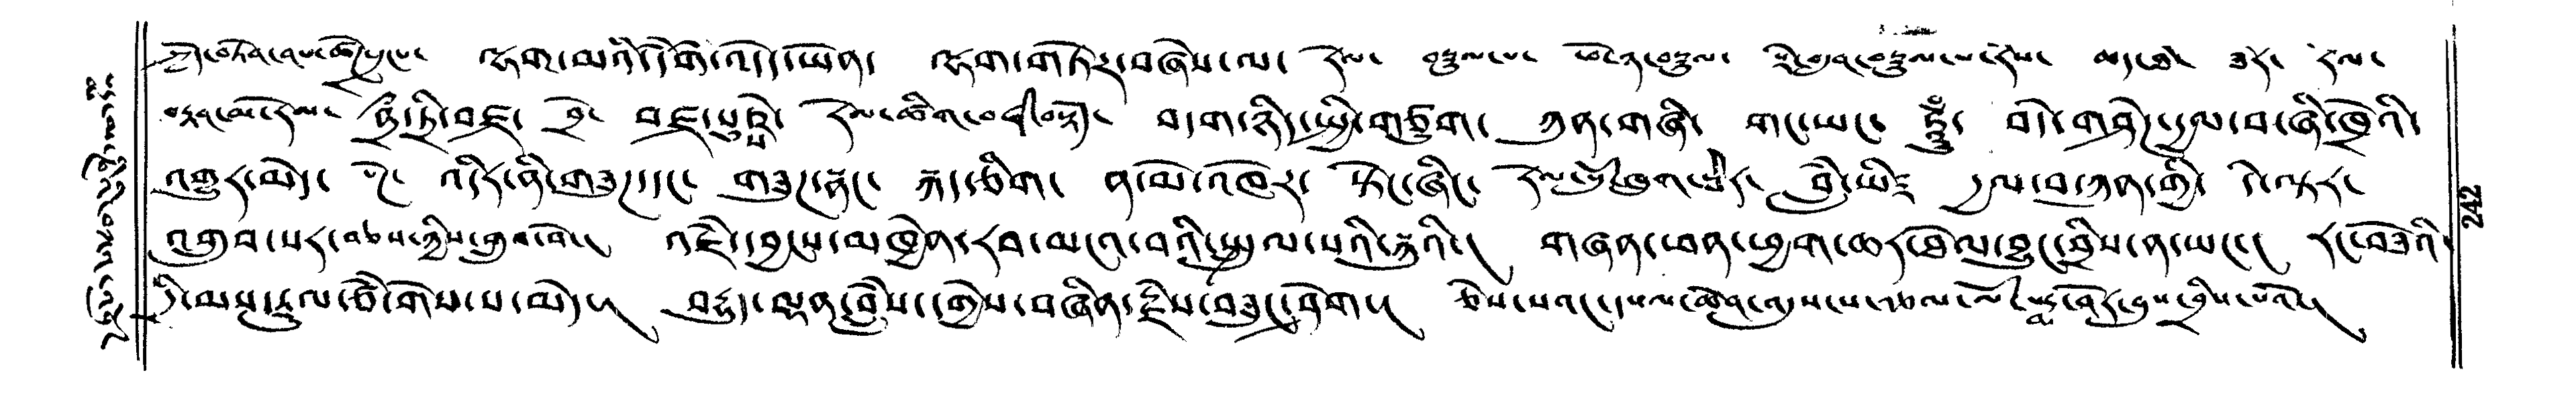སྤྱོད་བཏོན་ནས་ཚོགས་དྲང་། ལྷག་མའི་དམ་ཚིག་འདོད་ཡོན༴ ལྷག་གཏོར་བཞེས་ལ༴ རོལ། བསྐུལ་པ། ཕོ་ཉ་བསྐུལ། སྡེ་བདུན་བསྐུལ་པ་རེས། ཆད་ཐོ། ཟེར་རོལ། 
བརྟན་མ་རོལ། ནྲྀ་ཏྲི་བཛྲ༴ བྲོ། བཛྲ་པུཥྤེ༴ རོལ། ཚིག་བཞིས་བསྟོད། བདག་ཉིད་སྤྱི་གཙུག༴ ཀུན་གཞི༴ གང་ཡང༴ ཧཱུྃ༔ བདེ་གཤེགས་རྒྱལ་བ་ཞི་ཁྲོའི༴ 
འགྱུར་མེད་སོགས། འདིར་ནི་གཟུགས་དང༴ གཟུགས་སྣང༴ སྐད་ཅིག༴ ན་མོ། འཁོར༴ སྟོང་ཞིང༴ རོལ་སུམ་ཁུག་སྦིར། བླ་མ་ཡི༴ རྒྱལ་བ་ཀུན་གྱི༴ དེ་ལྟར་
འགྲུབ་པར༴ བཅས་ཀྱིས་གྲུབ་པོ། འཇམ་དབྱངས་མཁྱེན་རབ་མངའ་བ་སྤྲུལ་པའི་སྐུའི། །གཞན་ཕན་ཕྱག་ཆར་ཐོལ་བྱུང་བྲིས་ན་ཡང་། །རང་བཟོའི་
དྲི་མས་རྡུལ་ཙམ་གོས་པ་མེད། །བརྒྱུད་ལྡན་བླ་མས་དགྱེས་བཞིན་རྗེས་བཟུང་ཤོག ཅེས་པའང་དཔལ་ཆེན་འདུས་པ་རྩལ་ལམ་པདྨ་ནོར་བུས་བྲིས་པའོ།།